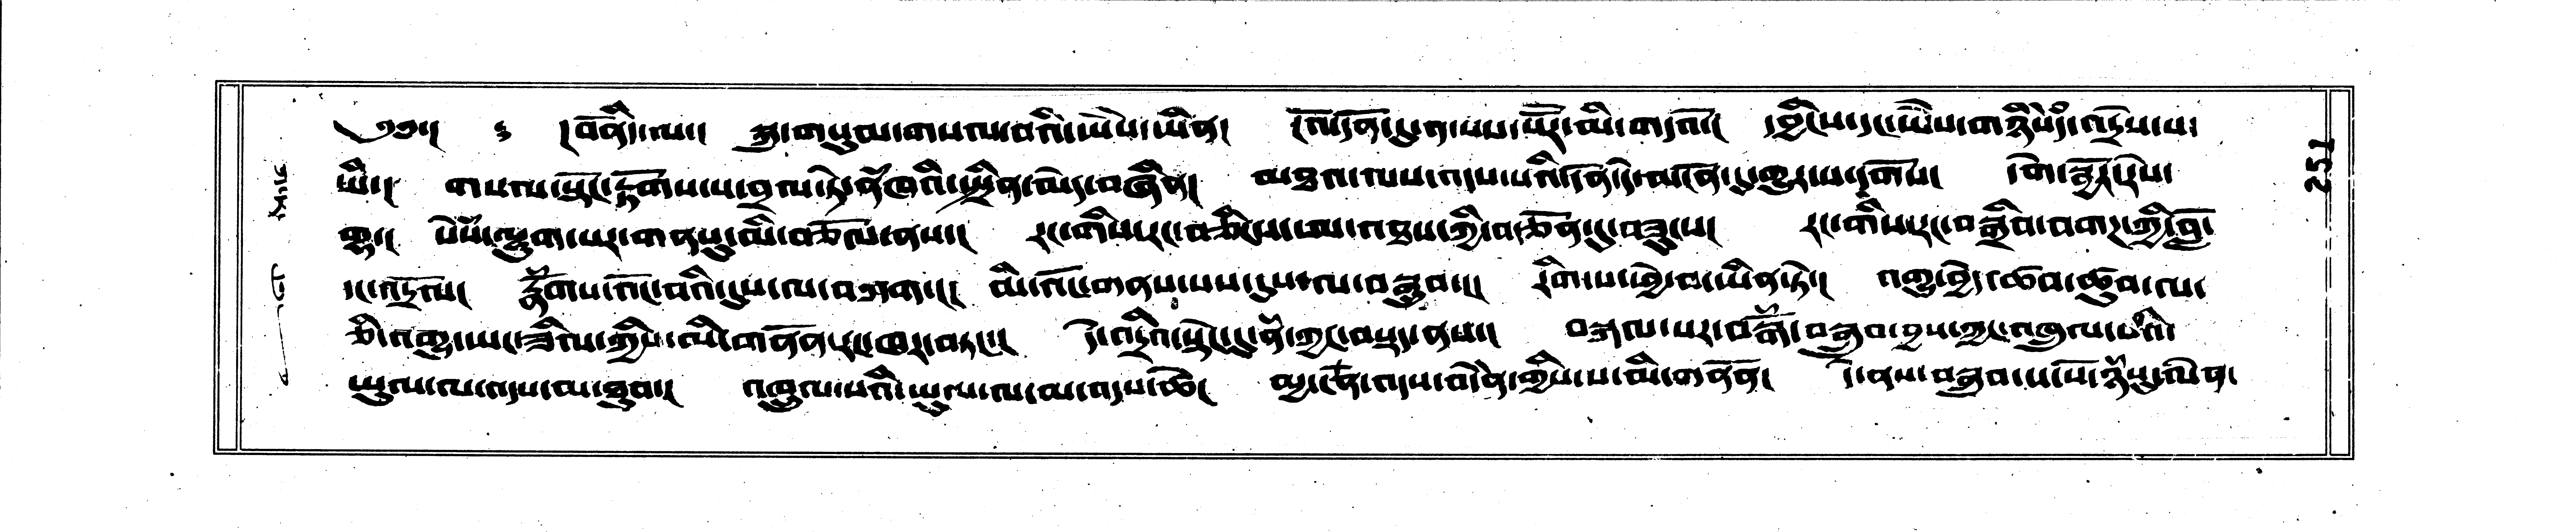བོན་ཉིད་ལ། སྐུ་གསུམ་གསལ་བ་ཡེ་ཤེས་ཡིན། ངོའོ་དོན་དུ་གཅིག་བེས་སོ་སོར་མི་གདའོ། དབྱིངས་དང་ཡེ་ཤེས་གཉིས་མེད་འདྲེས་པ་
ཡིན། གསལ་ལ་སྟོང་རྟོག་བྲལ་སྟེ་ནམ་མཁའ་སྤྲིན་མེད་བཞིན། མཐའ་ལས་འདས་པའི་དོན་དེ་མངོན་དུ་གྱུར་དགོས། དགེ་སྦྱོར་བ་རེ་
གྷས་(འགས)། སེམས་ལྷུག་པར་གནས་སུ་མི་བཅོལ་ནས། རང་གི་རང་བཅིང་ཨ་འཐས་ཀྱིས་བཙོན་དུ་བཟུང་། རང་གིས་རང་སྒྲིབ་བག་ཆགས་ཀྱི་བློ་
དང་འགྲོག་རྣམ་རྟོག་འོང་བའི་དུས་ལ་བཀག མི་འོང་གནས་པའི་དུས་ལ་བསྒྲུབས། རིག་པ་ཕྱི་ནས་ཡིན་ཏེ་འགྱུ་བྱེད་ཚབ་ཚུབ་
ཅི་འགྱུ་ཡང་ཟིལ་གྱི་མི་ནོན་རང་ཁར་བཏང་། དེ་ལྟར་གྱིས་སྟེང་དུ་ནམ་ཀྱང་༼ཡང་༽བསྡད་ན། སྐལ་བར་སྒོམས་སྒྲུབས་བྱས་ཀྱང་འཁྲུལ་པ་
ཡུལ་ལས་འདས་མི་ཐུབ། འཁྲུལ་བའི་ཡུལ་ལས་མ་འདས་ཚེ། མྱང་འདས་བདེ་ཆེན་གྱི་ས་མི་ནོན། དེ་ནས་སྒྲུབས་པ་པོས་ཉམས་སུ་ལེན་